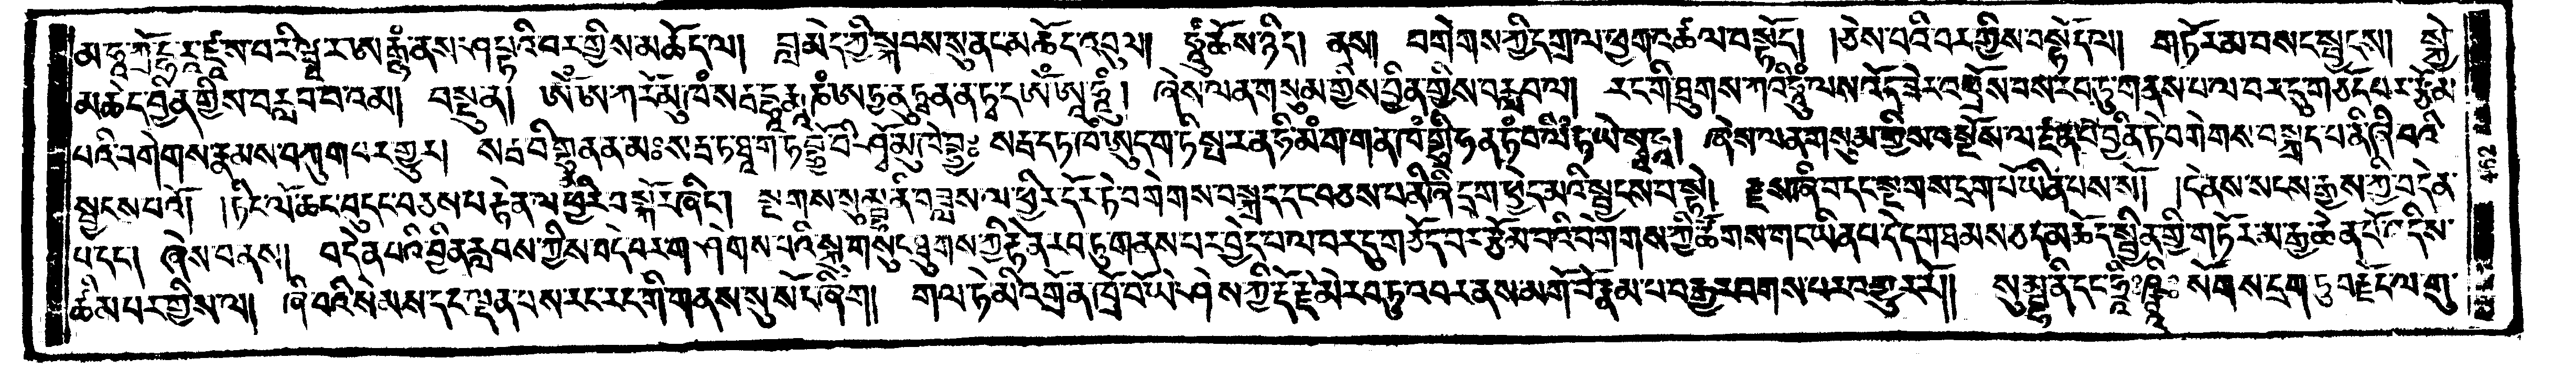མ་ཧཱ་ཀྲོ་དྷ་རཱ་ཛཱ་ས་བ་རི་ཝཱ་ར་ཨརྒྷཾ་ནས་ཤཔྟའི་བར་གྱིས་མཆོད་ལ། བླ་མེད་ཀྱི་སྐབས་སུ་ནང་མཆོད་འབུར། ཧཱུཾ་ཆོས་ཉིད། ནས། བགེགས་ཀྱི་དགྲ་ལ་ཕྱག་འཚལ་བསྟོད། །ཅེས་པའི་བར་གྱིས་བསྟོད་ལ། གཏོར་མ་བསང་སྦྱངས། སྐྱེ་
མཆེད་བྱིན་གྱིས་བརླབ་བ་འམ། བསྡུ་ན། ཨོཾ་ཨ་ཀ་རོ་མུ་ཁཾ་སརྦ་དྷཱ་རྨཱ་ཎཾ་ཨ་ཏྱ་ནུ་ཧྤ་ན་ན་ཏྭ་ད་ཨོཾ་ཨཱ་ཧཱུཾ། རབ་དྷཱ་རྨཱ་ཎཾ་ཨ་ཏྱ་ནུ་ཏྭན་ན་ཏྭད་ཨོཾ་ཨཱ་ཧཱུཾ། ཞེས་ལས་འོད་ཟེར་འགྲོས?་བས་རབ་ཏུ་གནས་པ་ལ་བར་དུ་གཅོད་པར་རྩོམ་
པའི་བགེགས་རྣམས་བཀུག་པར་གྱུར། སརྦ་བི་ཁཱ་ནན་མཿ སརྦ་ཏ་ཐཱ་ག་ཏ་ཧྱོ་བོ་ཤྭོ་མུ་ཁེ་བྷྱཿ སརྦ་ད་ཏ་ཁོ་ཨུ་དག་ཏི་སྤ་ར་ན་ཧི་མཾ་ག་ག་ན་ཁཾ་གྷྲི་ཧ་ན་ཏཾ་པ་ལཾ་ཏ་ཡེ་སྭཱ་ཧཱ། ཞེས་ལན་གསུམ་གྱིས་བསྔོས་ལ་ཛ་ན་བ་བྱིན་ཏེ་བགེགས་བསྐྲད་པ་ནི་ཞི་བའི་
སྦྱངས་པའོ། །ཏིང་ལོ་ཆང་བུ་དང་བཅས་པ་རྟེན་ལ་ཕྱིར་བསྐོར་ཞིང་། སྔགས་སུ་མྦྷ་ནི་བཟླས་ལ་ཕྱིར་དོར་ཏེ་བགེགས་བསྐྲད་དང་བཅས་པ་ནི་ནི་དྭྲ་ཕྱེད་མའི་སྦྱངས་པ་ལྟེ། རྫས་ཞི་བ་དང་སྔགས་དྲག་པོ་ཡིན་པས་སོ། །དེ་ནས་སངས་རྒྱས་ཀྱི་བདེན་
པ་དང་། ཞེས་པ་ནས། བདེན་པའི་བྱིན་རླབས་ཀྱིས་བདེ་བར་གཤེགས་པའི་སྐུ་གསུང་ཐུགས་ཀྱི་རྟེན་རབ་ཏུ་གནས་པར་བྱེད་པ་ལ་བར་དུ་གཅོད་པར་རྩོམ་པའི་བེག་གས་ཀྱི་ཚོགས་གང་ཡི་བ་དེ་དག་ཐམས་ཅད་མཆོད་སྦྱིན་གྱི་གཏོར་མ་རྒྱ་ཆེན་པོ་འདིས་
ཚིམ་པར་གྱིས་ལ། ཞི་བའི་སེམས་དང་ལྡན་པས་རང་རང་གི་གནས་སུ་སོར་བཞིག །གལ་ཏེ་མི་འགྲོ་ན་ཁྲོ་བོ་ཡེ་ཤེས་ཀྱི་རྡོ་རྗེ་མེ་རབ་ཏུ་འབར་ནས་མགོ་པོ་རྣམ་པ་བརྒྱ་རབ་གས་པར་འགྱུར་རོ། །སུམྦྷ་ནི་དང་ཧྲཱིཿ ཥྚཱྀཿ སོགས་དྲག་ཏུ་བརྗོད་ལ་གུ་